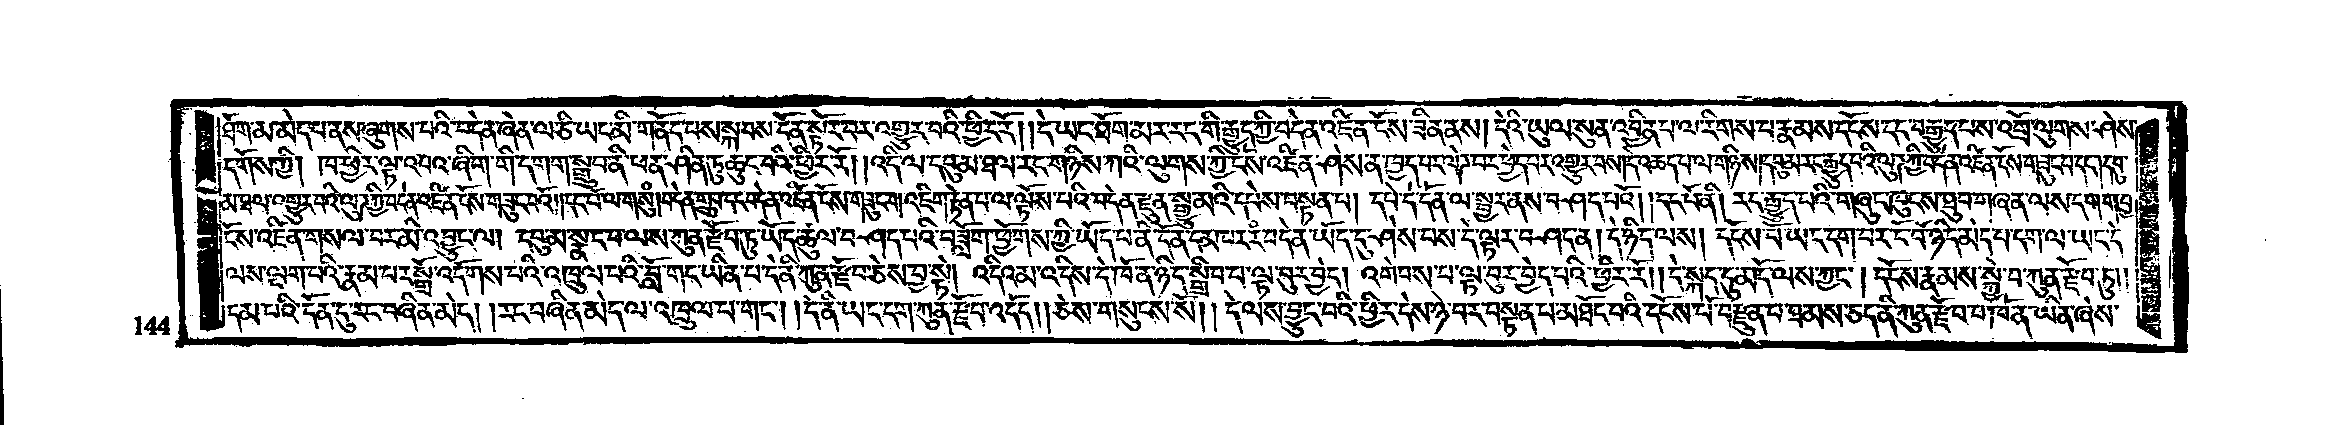ཐོག་མ་མེད་པ་ནས་ཞུགས་པའི་བདེན་ཞེན་ལ་ཅི་ཡང་མི་གནོད་པས་སྐབས་དོན་སྟོར་བར་འགྱུར་བའི་ཕྱིར་རོ། །དེ་ཡང་ཐོག་མར་རང་གི་རྒྱུད་ཀྱི་བདེན་འཛིན་ངོས་ཟིན་ནས། དེའི་ཡུལ་སུན་འབྱིན་པ་ལ་རིགས་པ་རྣམས་དངོས་དང་བརྒྱུད་པས་འགྲོ་ལུགས་ཤེས་
དགོས་ཀྱི། ཁ་ཕྱིར་ལྟ་འབའ་ཞིག་གི་དགག་སྒྲུབ་ནི་ཕན་ཤིན་ཏུ་ཆུང་བའི་ཕྱིར་རོ། །འདི་ལ་དབུ་མ་ཐལ་རང་གཉིས་ཀའི་ལུགས་ཀྱི་ངོས་འཛིན་ཤེས་ན་ཁྱད་པར་ལེགས་པར་ཕྱེད་པར་འགྱུར་བས། དེ་འཆད་པ་ལ་གཉིས། དབུ་མ་རང་རྒྱུད་པའི་ལུགས་ཀྱི་བདེན་འཛིན་ངོས་གཟུང་པ་དང་། དབུ་
མ་ཐལ་འགྱུར་བའི་ལུགས་ཀྱི་བདེན་འཛིན་ངོས་གཟུང་བའོ། །དང་པོ་ལ་གསུམ། བདེན་གྲུབ་དང་བདེན་འཛིན་ངོས་གཟུང་བ། འཇིག་རྟེན་པ་ལ་ལྟོས་པའི་བདེན་རྫུན་སྒྱུ་མའི་དཔེས་བསྟན་པ། དཔེ་དེ་དོན་ལ་སྦྱར་ནས་བཤད་པའོ། །དང་པོ་ནི། རང་རྒྱུད་པའི་གཞུང་ཁུངས་ཐུབ་གཞན་ལས་དགག་བྱ་
ངོས་འཛིན་གསལ་བར་མི་འབྱུང་ལ། དབུ་མ་སྣང་བ་ལས་ཀུན་རྫོབ་ཏུ་ཡོད་ཚུལ་བཤད་པའི་བཟློག་ཕྱོགས་ཀྱི་ཡོད་པ་ནི་དོན་དམ་པར་རམ་བདེན་ཡོད་དུ་ཤེས་པས་དེ་ལྟར་བཤད་ན། དེ་ཉིད་ལས། དངོས་པོ་ཡང་དག་པར་ངོ་བོ་ཉིད་མེད་པ་དག་ལ་ཡང་དེ་
ལས་ལྡོག་པའི་རྣམ་པར་སྒྲོ་འདོགས་པའི་འཁྲུལ་པའི་བློ་གང་ཡིན་པ་དེ་ནི་ཀུན་རྫོབ་ཅེས་བྱ་སྟེ། འདིའམ་འདིས་དེ་ཁོ་ན་ཉིད་སྒྲིབ་པ་ལྟ་བུར་བྱེད། འགེབས་པ་ལྟ་བུར་བྱེད་པའི་ཕྱིར་རོ། །དེ་སྐད་དུ་མདོ་ལས་ཀྱང་། དངོས་རྣམས་སྐྱེ་བ་ཀུན་རྫོབ་ཏུ། །
དམ་པའི་དོན་དུ་རང་བཞིན་མེད། །རང་བཞིན་མེད་ལ་འཁྲུལ་པ་གང་། །དེ་ནི་ཡང་དག་ཀུན་རྫོབ་འདོད། །ཅེས་གསུངས་སོ། །དེ་ལས་བྱུང་བའི་ཕྱིར་དེས་ཉེ་བར་བསྟན་པ་མཐོང་བའི་དངོས་པོ་བརྫུན་པ་ཐམས་ཅད་ནི་ཀུན་རྫོབ་པ་ཁོ་ན་ཡིན་ཞེས་